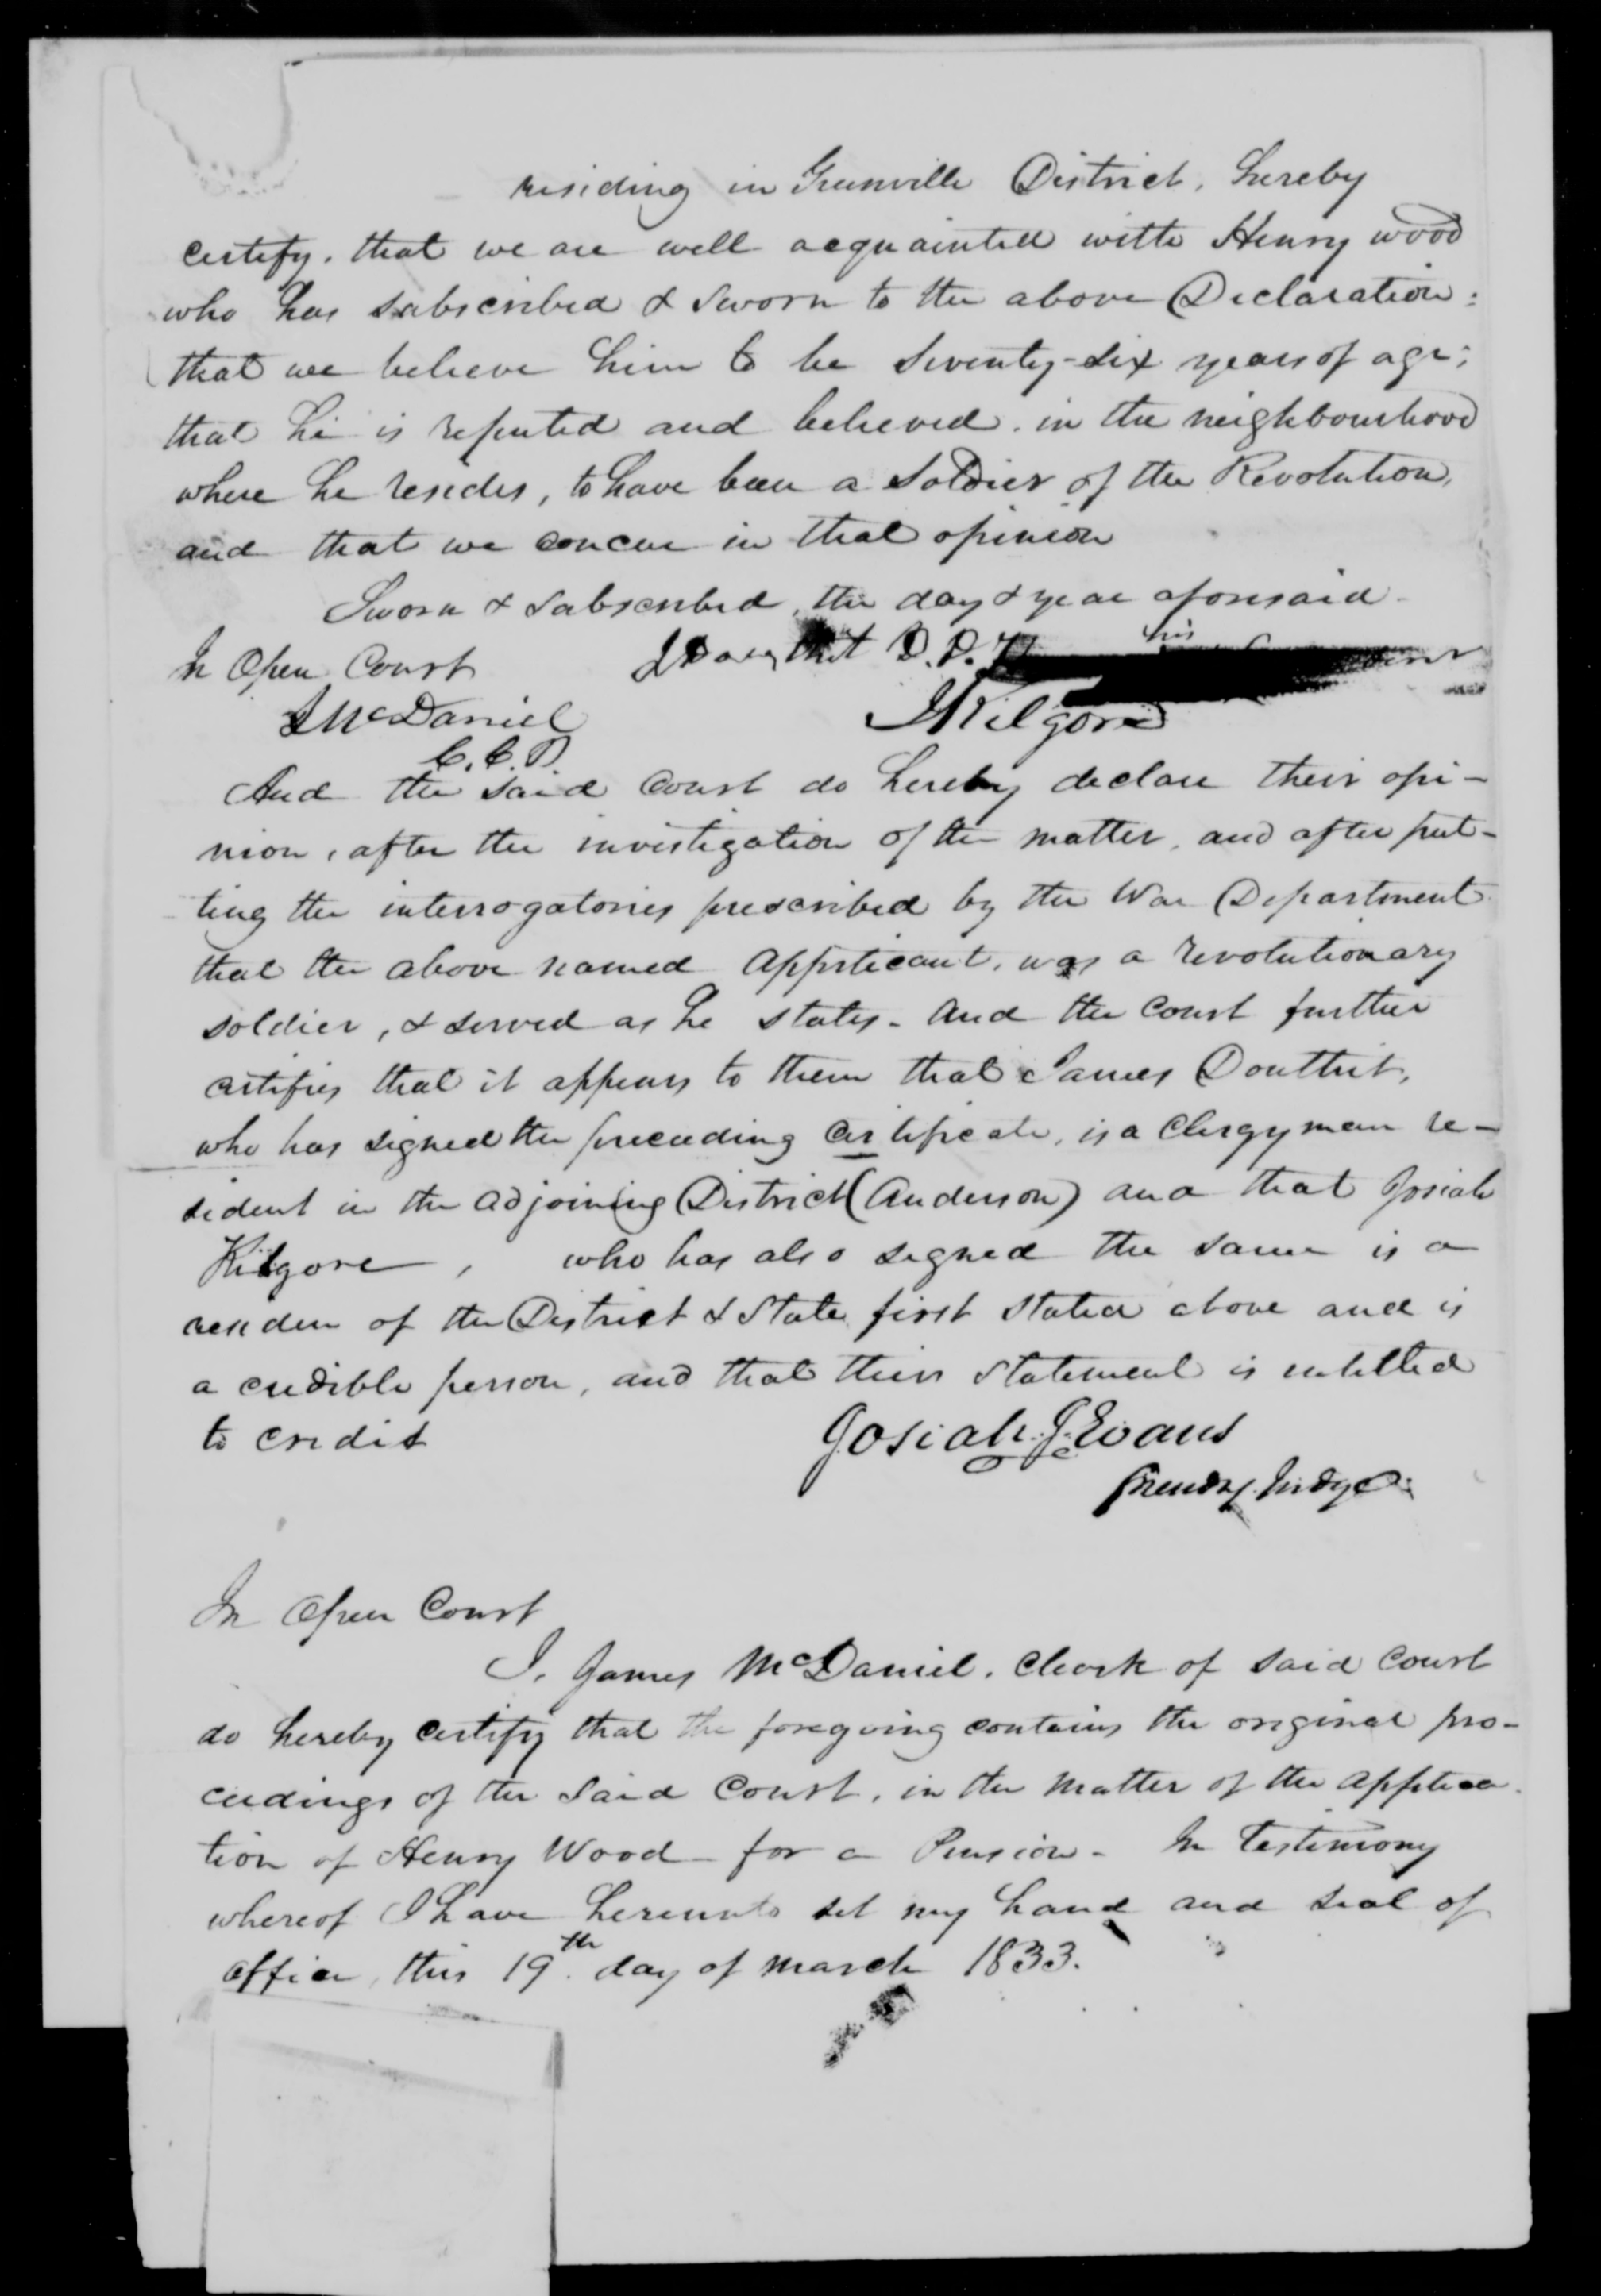residing in Greenville District, hereby certify, that we are well acquainted with Henry Wood who has subscribed to and sworn to the above Declaration; that we believe him to be Seventy-six years of age; that he is reputed and believed in the neighborhood where he resides , to have been a soldier of the Revolution and that we concur in that opinion.
Sworn & subscribed this day & year aforesaid In open court J McDaniel C.D.C. J Kilgore
And the said court do hereby declare their opinion after investigation of the matter, and after presenting the interrogatories prescribed by the War Department that the above named applicant was a Revolutionary soldier & served as he states.  And the court further certifies that it appears to them that James Douthrch who has signed the forgoing certificate is a clergyman and resident in the adjorning District ( Anderson) and that Josiah Kilgore, who has signed the same is a credible person, and that their statement is entitled to credit.
Josiah J. Evans Presiding Judge 
In open court
I, James McDaniel, clerk of said court do hereby certify that the forgoing contains the original proceedings of the said court, in the matter of the application of Henry Wood for a pension.  In testimony whereof I ahve hereunto set my hand and seal of office this 19th day of March 1833.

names: James Douthit, James Mc Daniel, J Kilgore, Henry Wood, Josiah J Evans, Josiah Kilgore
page: 9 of 40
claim: rejected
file: R. 11785, Henry Wood, N. C.